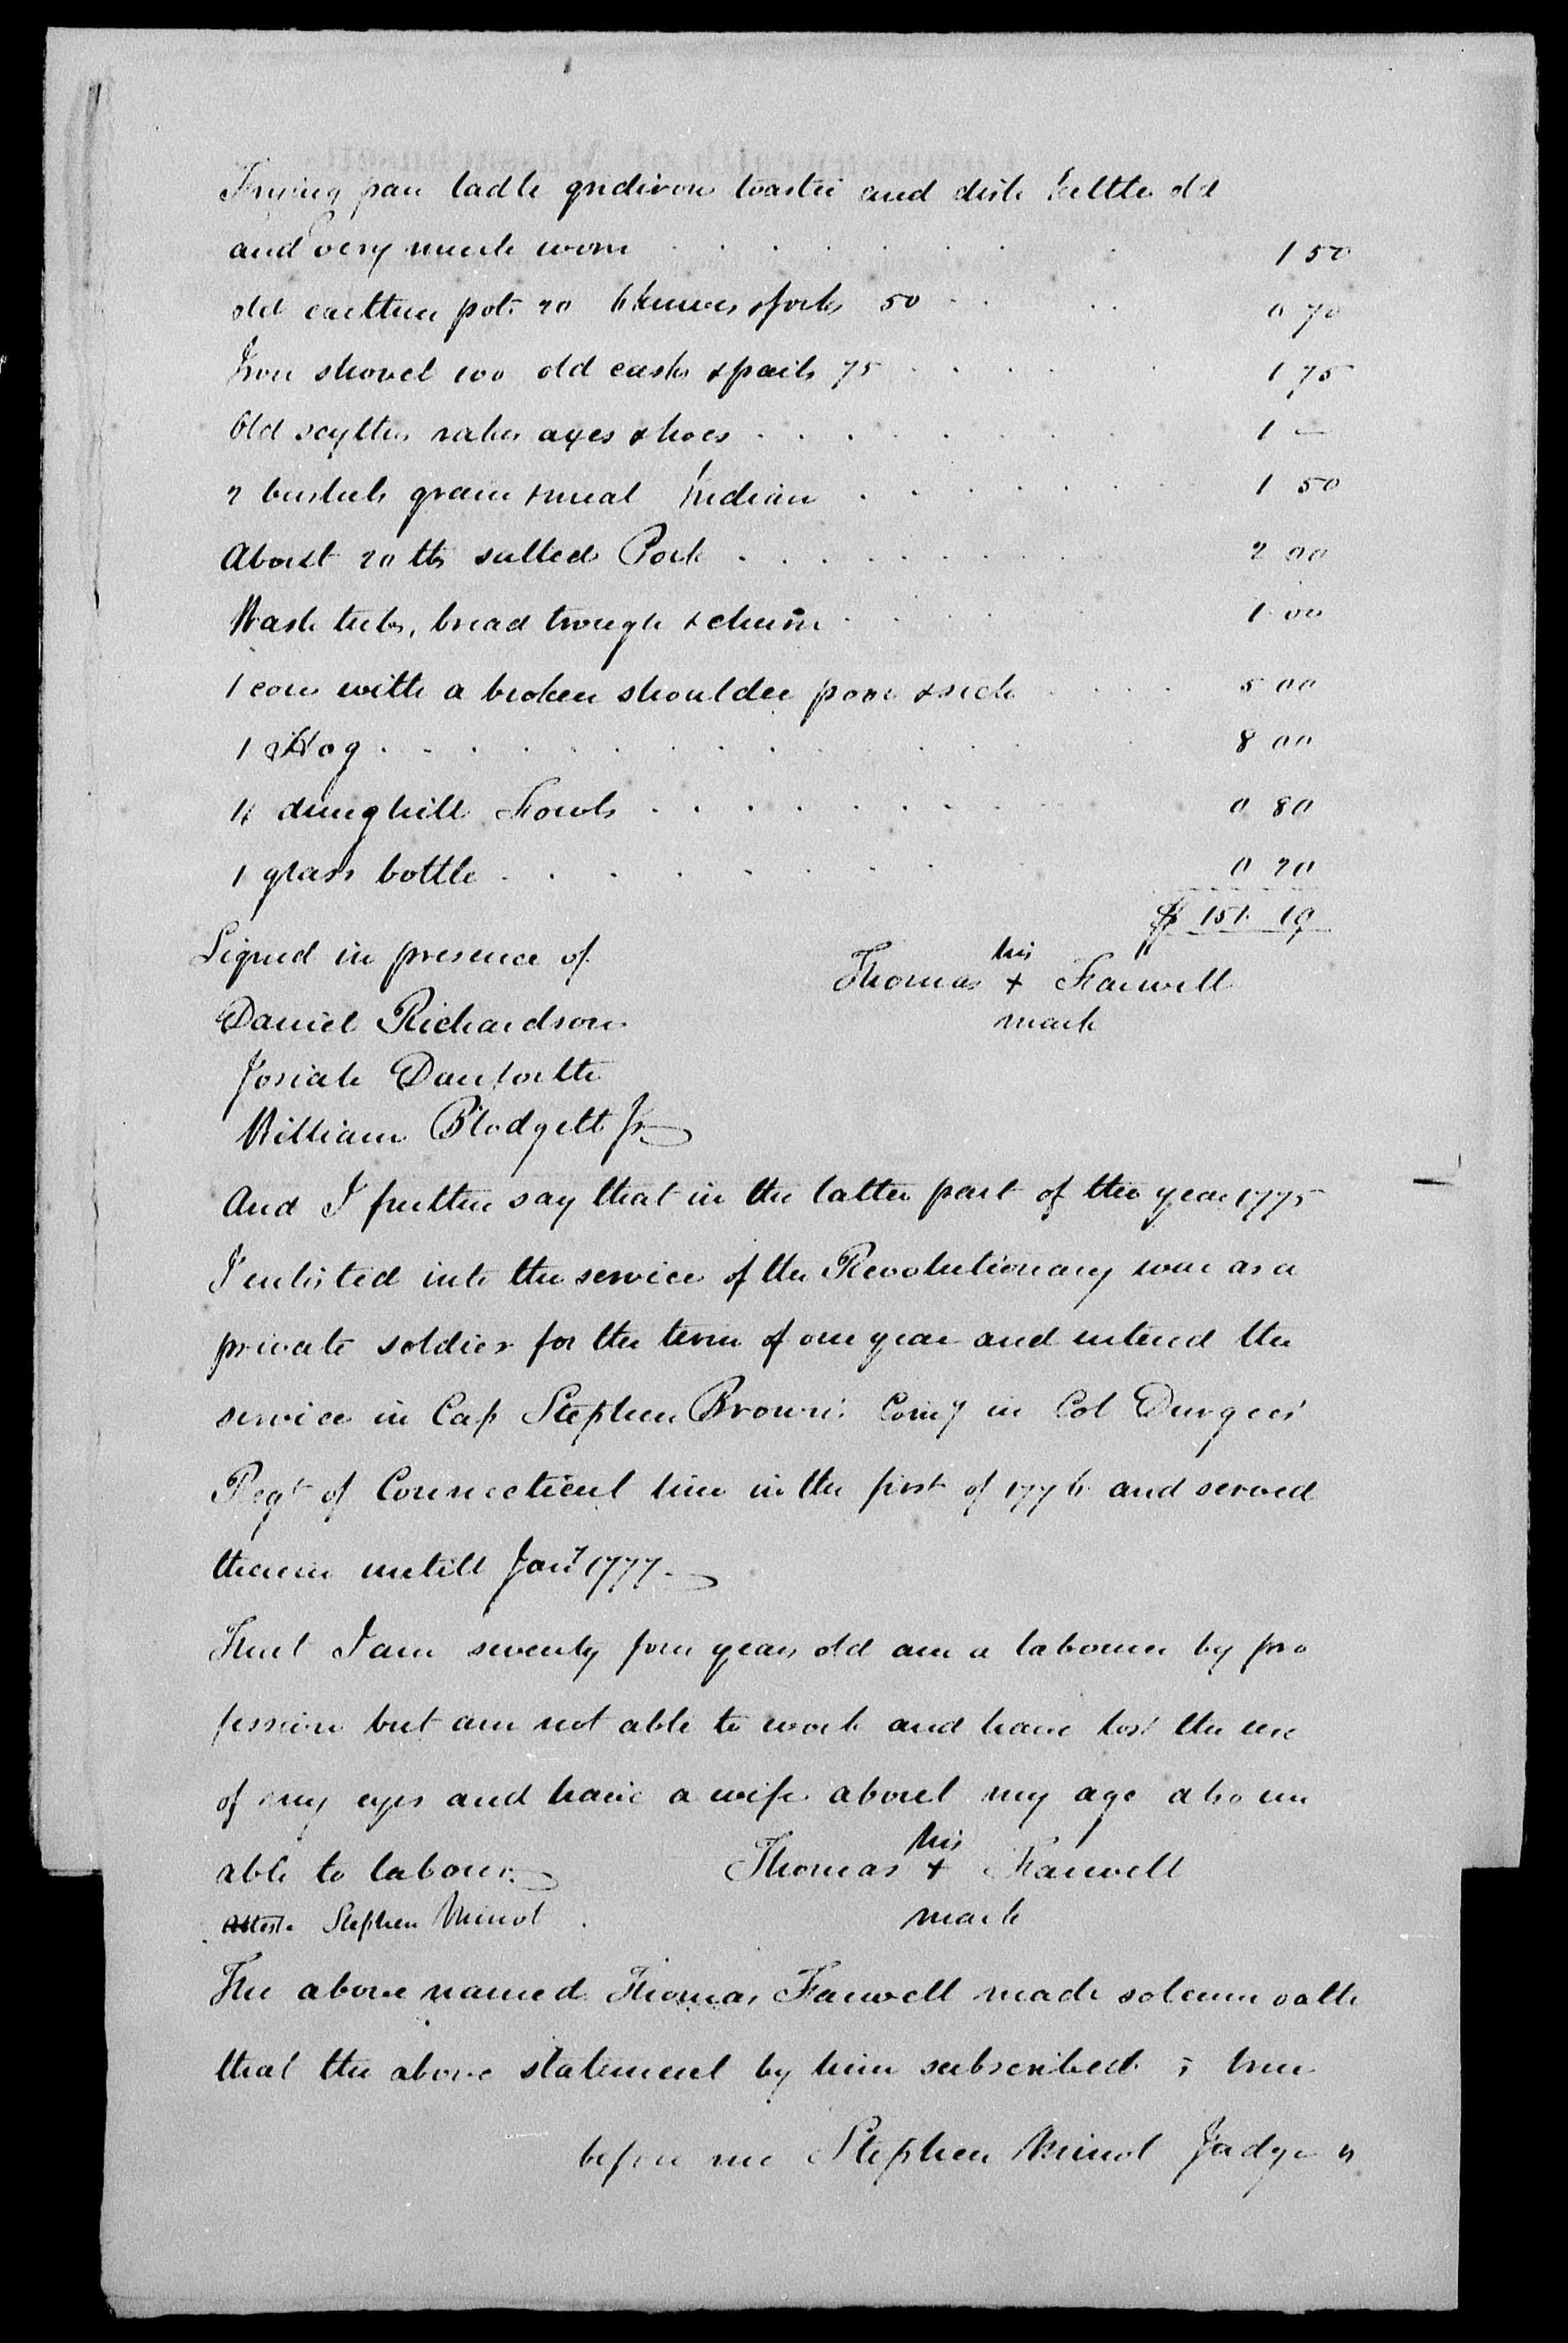Frying pan ladle [illegible] used lil kettle old and very much worn . . . . . . . . 1 50
old [illegible] pot likewise [illegible], 50 . . . . 0 70
Iron shovel too old easly a pail 75 . . . . . 1 76
old [illegible] shoes . . . . . . . .1-
7 [illegible] . . . . . . . 1 50
about 20 the sullea Poul . . . . . . . . . . 2 00
Mash teels, bread [illegible] . . . . . . 1 00
1 [illegible] with a broken shoulder poor & sick . . . . 5 00
1 [illegible]
4 [illegible] hill [illegible] . . . . . . . . . 0 80
1 glass bottle . . . . . . . . 0 70
151. 19
Signed in presence of
Thomas x Farwell
[illegible]
Daniel Richardson
Josiah Danforth
William Bladgett
And [illegible] say that in the latter part of thee year 1775 I enlisted into the service of the Revolutionary war as a private soldier for thee term of one year and entered thee service in Cal Stepheces Browns: [illegible] in Col Durgees' Reg of[illegible] line in the [illegible] of 1776 and served therein untill Jan 7 1777
[illegible] seventy fore years old am a labourer by profession but am not able to work and have lost the use of my eyes and have a wife about my age [illegible] able to labour
Stephen Minot Thomas & Farwell
The above named Thomas Farwell made s[illegible] oath that the above stat[illegible] by [illegible]
before [illegible] Stephen Minot Judge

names: Thomas Farwell, Thomas Farwell, Stephen Minot, Stephen Minot, Josiah Danforth, William Bladgett, Daniel Richardson, Thomas Farwell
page: 9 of 18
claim: survivor's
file: S. 34,831, Thomas Farwell, Conn.